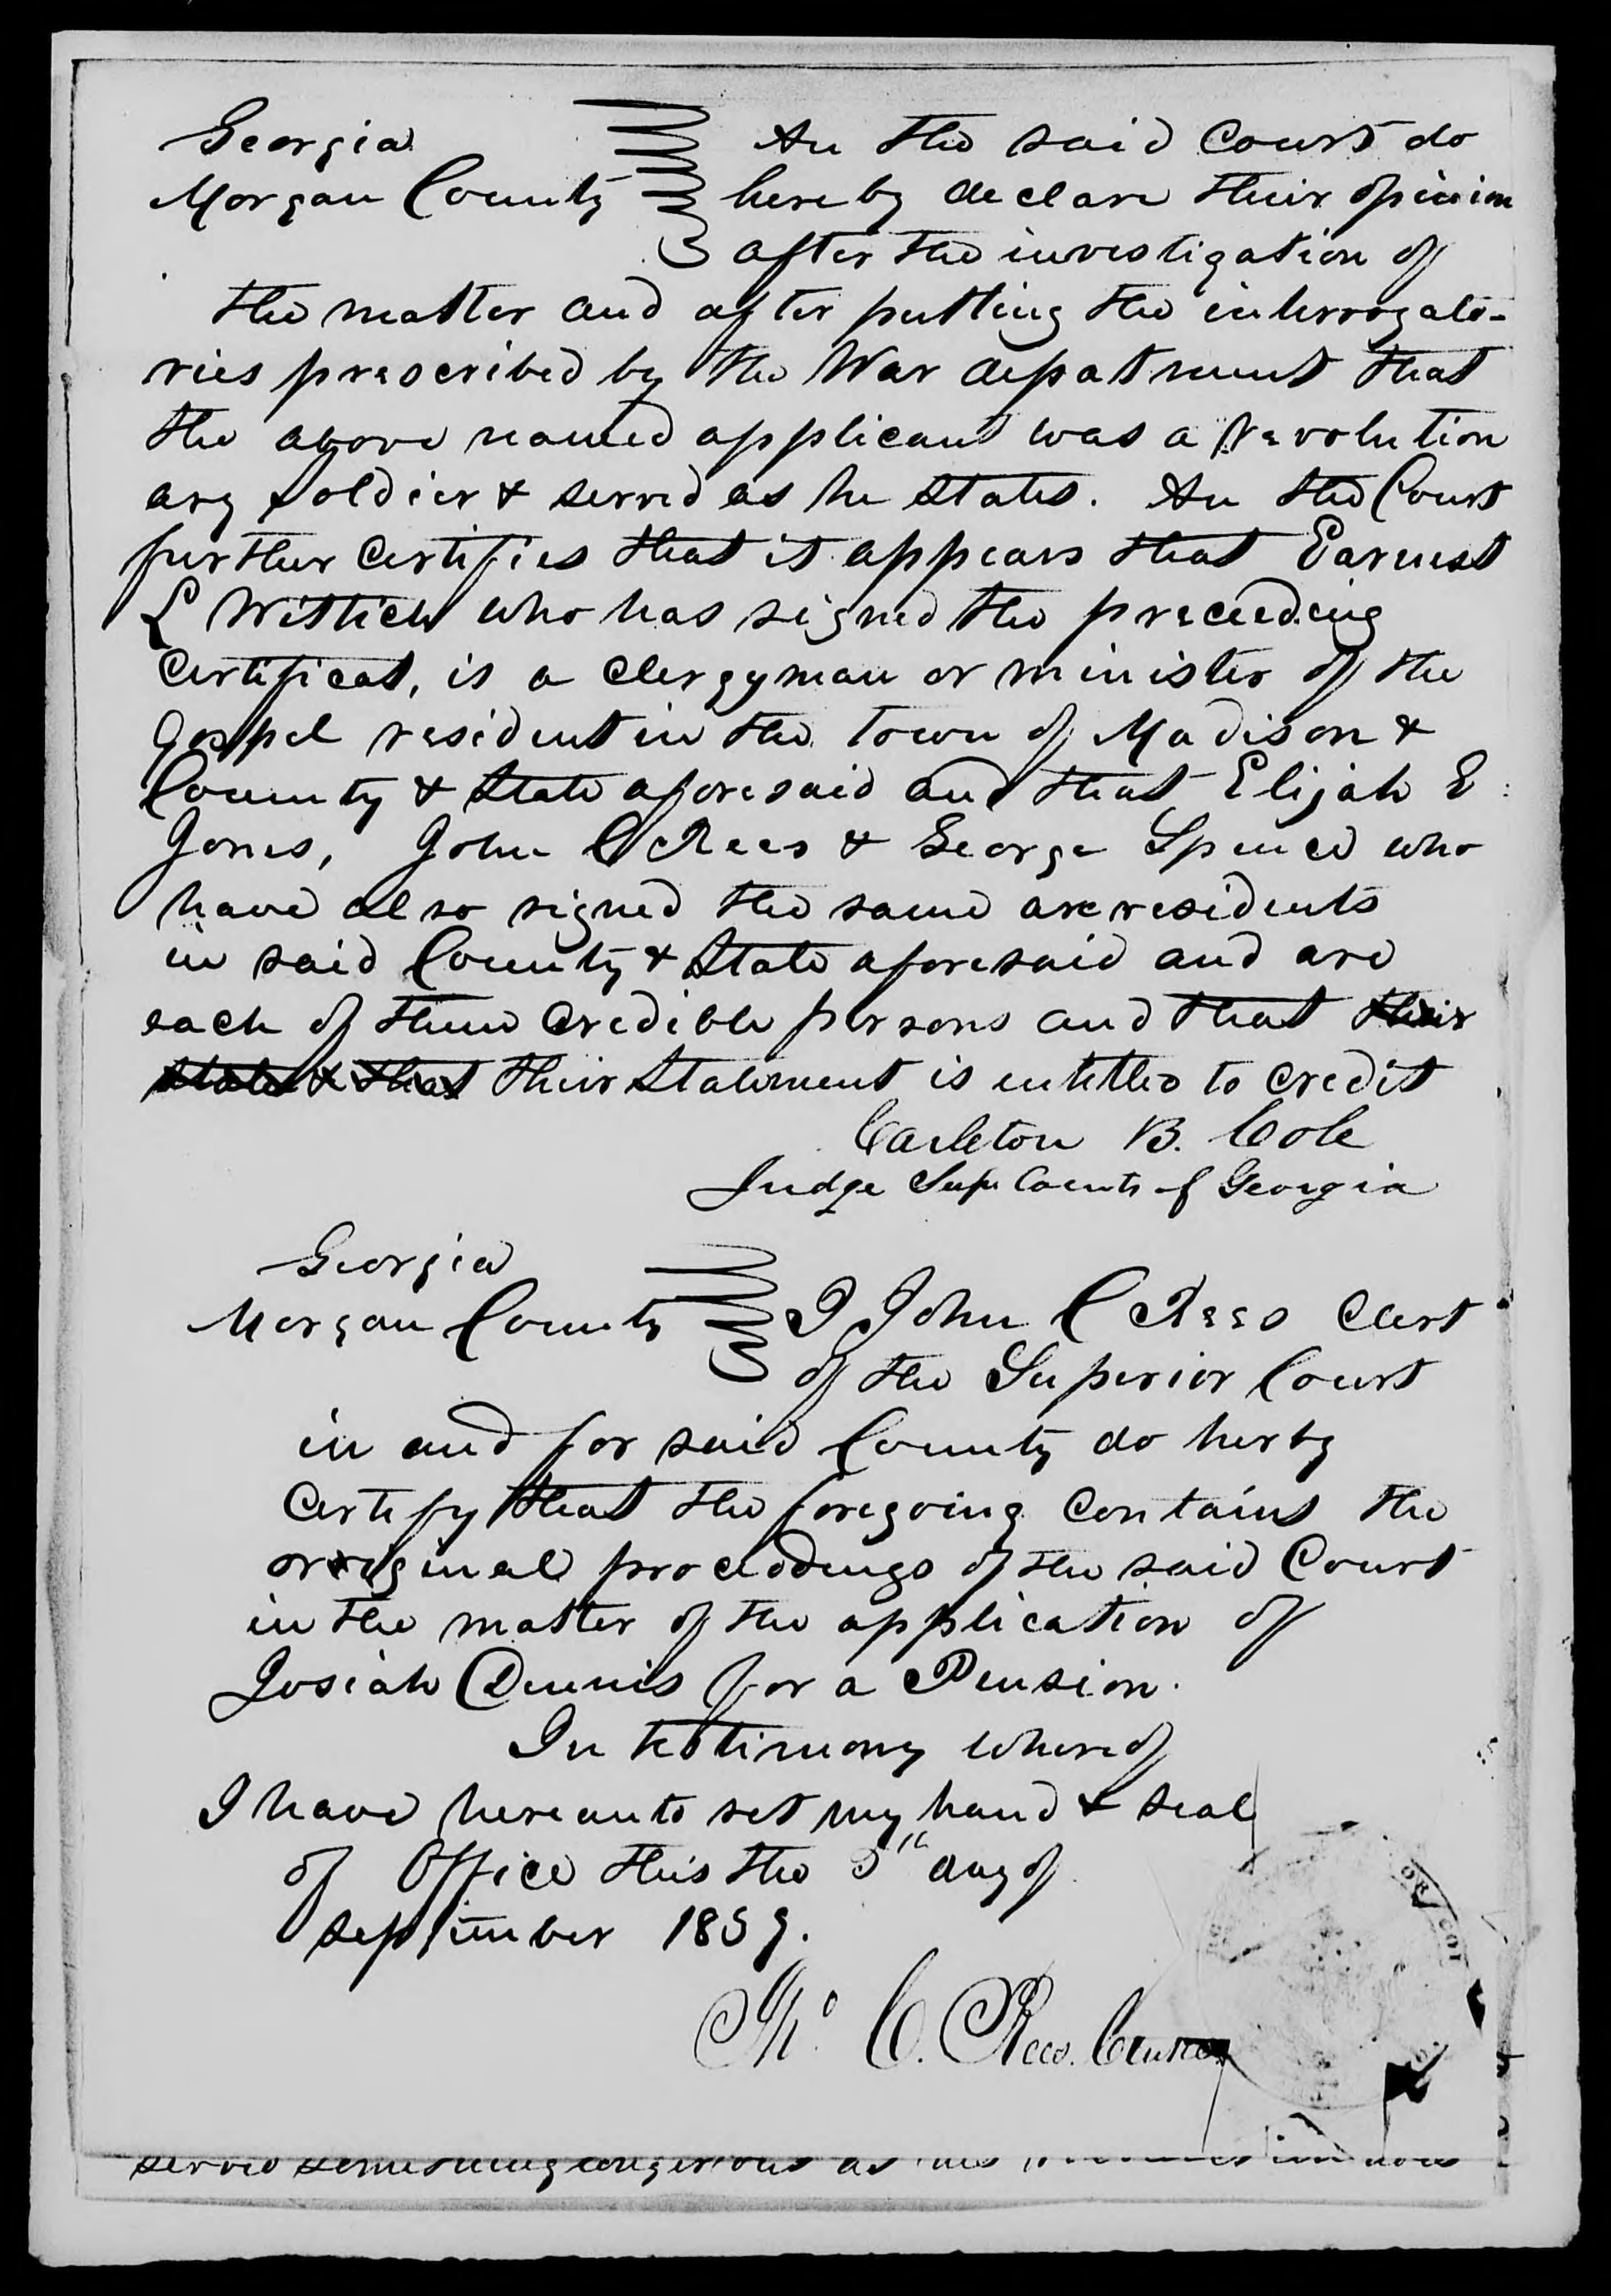Georgia 
Morgan County⎬

As the said Court do
hereby declare their opinion
after the investigation of
the matter and after putting the interrogate
is prescribed by the War department that the
above named applicant was a revolutionary
Soldier & served as he states. As the Court
other certifies that it appears that Earnest
Wittich who has signed the preceeding
certificate, is a Clergyman or minister of the Gospel resident in the town of Madison &
County & State aforesaid and that Elijah E
Jones, John C Rees & George Spence who
have also signed the same are residents
said County & State aforesaid and are
of the credible persons and that [crossed out this state and that]  their statement is entitled to credit
Carleton B. Cole
Judge Sup Courts of Georgia

Georgia
Morgan County ⎬
I John C Rees 
clerk of the  Superior Court
in and for said County do herby
certify that the foregoing contains the
original proceedings of the said Court
in the matter of the application of
Josiah Dennis for a Pension
In testimony whereof
I have hereunto set my hand & seal
of Office this the 5th day of
September 1839
Jno C. Rec. Clerk [official seal]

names: Carleton B Cole, Jno C Rees, Earnest L Wittich, George Spence, John C Rees, Elijah E Jones, John C Rees, Josiah Dennis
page: 8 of 14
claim: rejected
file: R. 2,877, Josiah Dennis, Md.